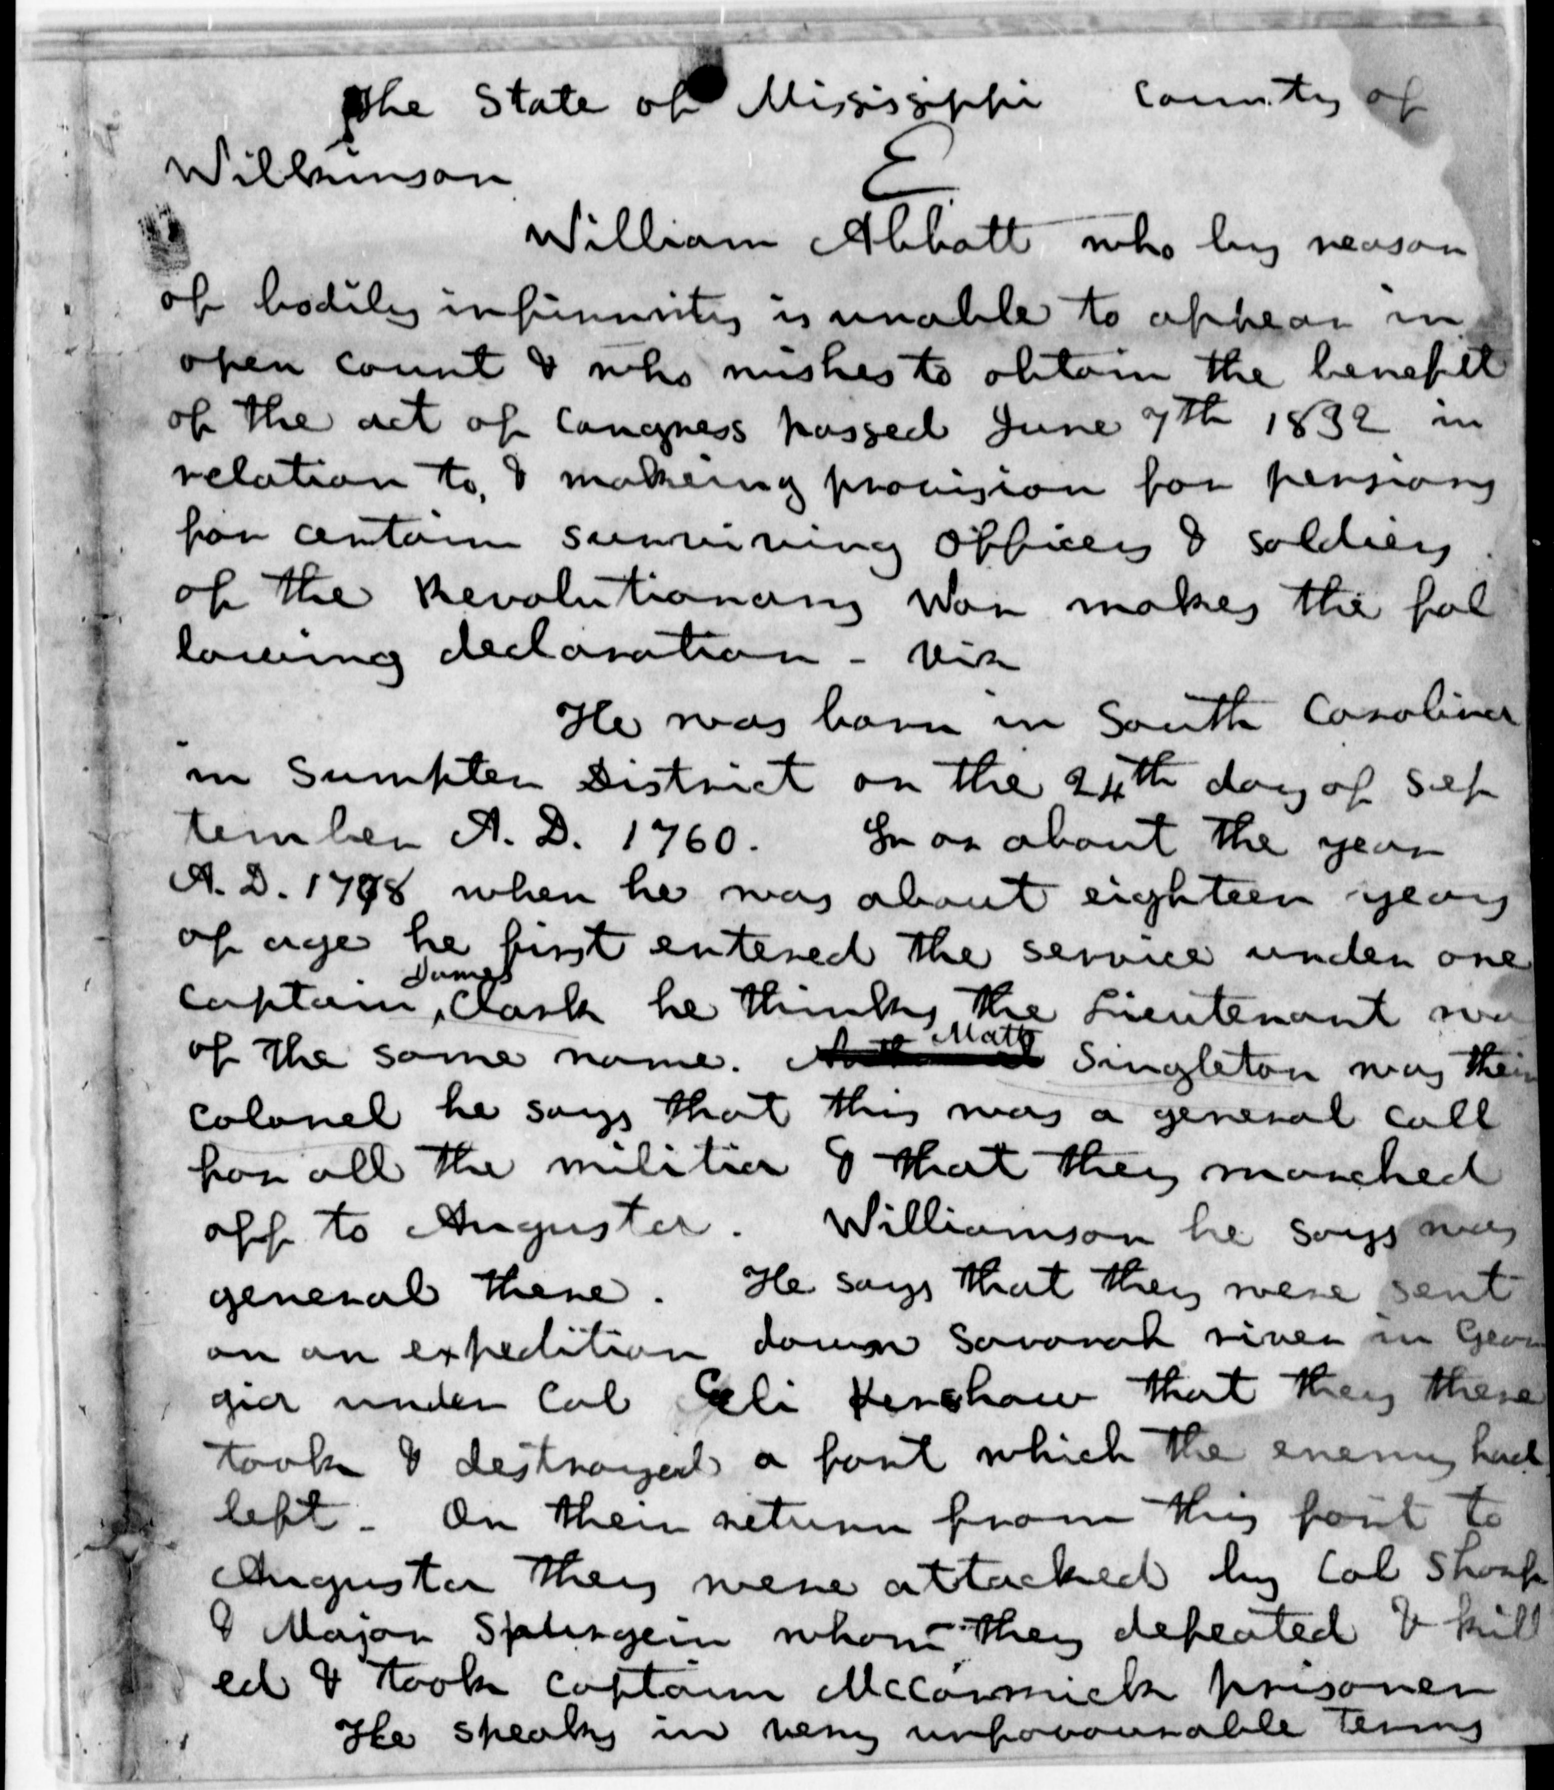The State of Mississippi County of Wilkinson
William Abbott who by reason of bodily infirmity is unable to appear in open court & who wishes to obtain the benefit of the act of Congress passed June 7th 1832 in relation to, & makeing provision for pensions have certain surviving officers & soldiers of the Revolutionary War makes the following declaration-viz
He was born in South Carolina in Sumpter District on the 24th day of September A.D. 1760. In or about the year A.D. 1778 when he was about eighteen years of age he first entered the service under one Captain James Clark he thinks the Lieutenant over of the same name. Matt Singleton was their Colonel he says that this was a general call for all the militia & that they marched off to Augusta. Williamson he says was general there. He says that they were sent on an expedition down Savanah River in Georgia under Col Eli Kershaw that they there took & destroyed a fort which the enemy had left. On their return from this fort to Augusta they were attacked by Col Sharp & Major Spurgeon whom they defeated & killed & took Captain McCormick prisoner
He speaks in very unfavourable terms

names: Auguster Williamson, Matt Singleton, Eli Kershaw, Mc Cormick, Spurgein, Sharp, James Clark, William Abbott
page: 23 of 38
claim: survivor's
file: S. 30. 239, William Abbott, S.C.